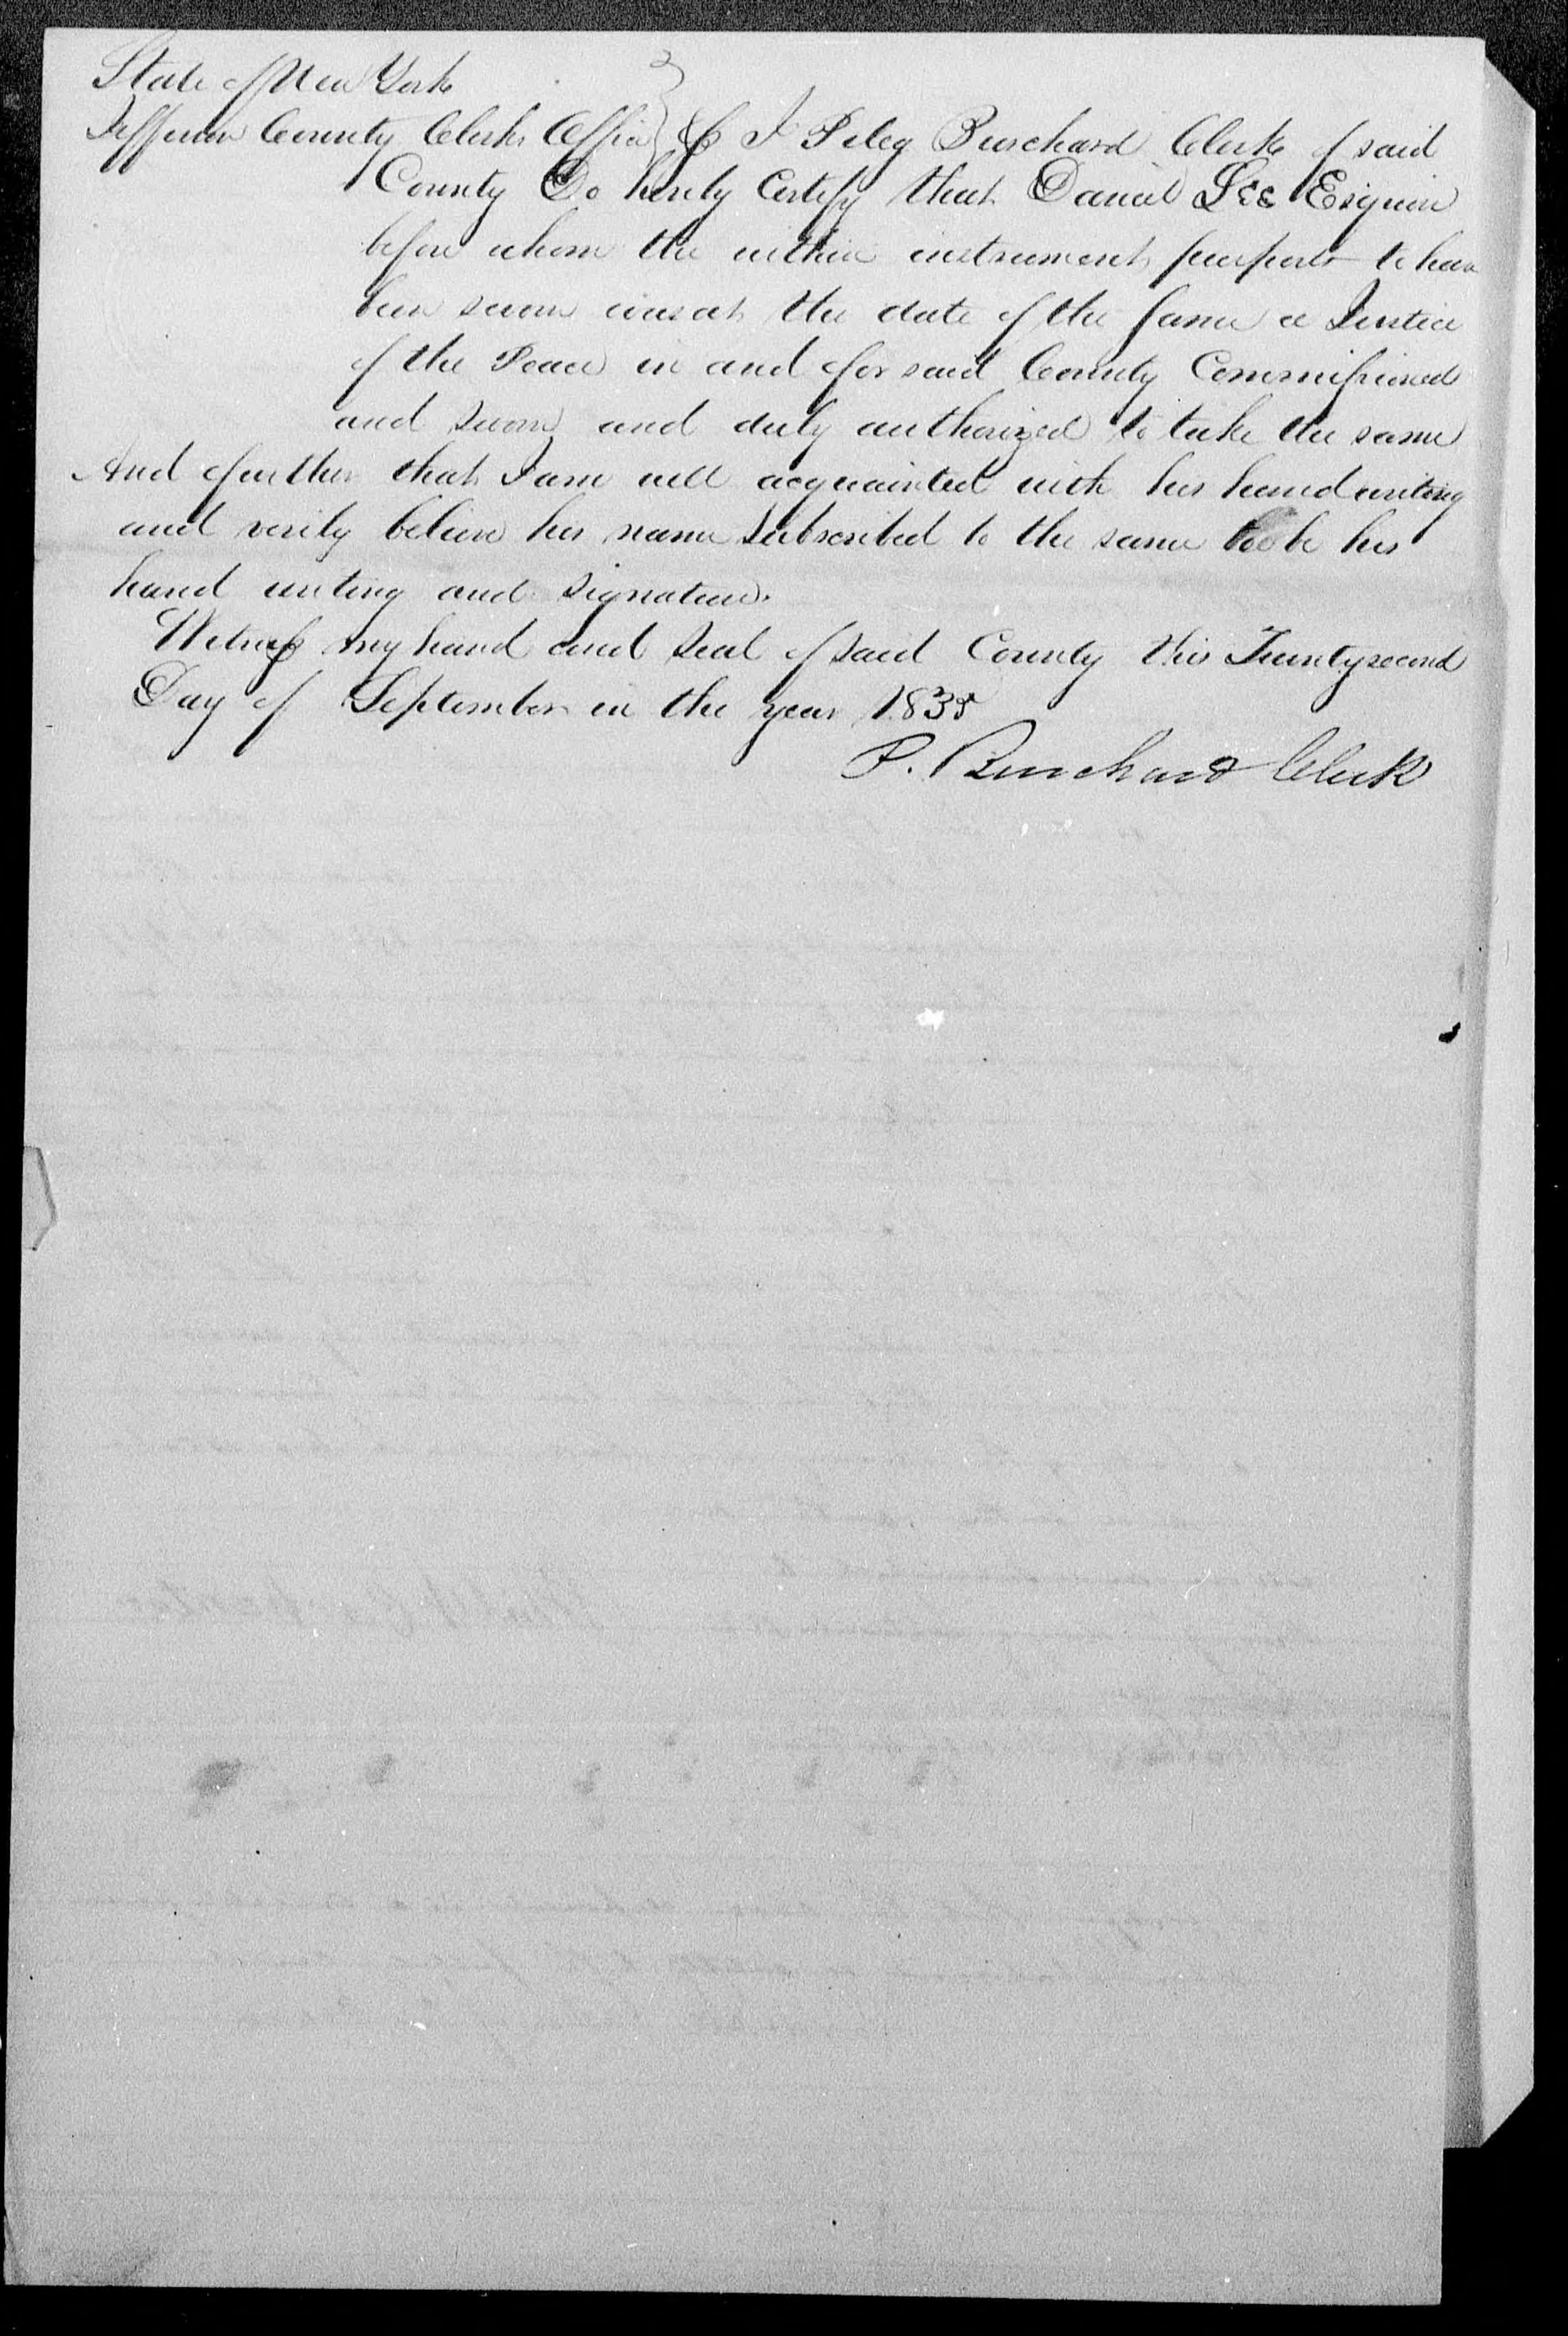State of New York} 
Jefferson County Clerks Office} ss.  I Peleg Burchard Clerk of said County do hereby certify that Daniel Lee Esquire before whom the within instrument purports to have been sworn was at the date of the Same a Justice of the Peace in and for said County Commissioned and Sworn and duly authorized to take the same. And further that I am well acquainted with his handwriting and verily believe his name Subscribed to the same to be his hand writing and signature 
Witness my hand and Seal of said County this Twenty second Day of September in the year 1835 
[Signed] P. Burchard Clerk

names: Daniel Lee, P Burchard, Peleg Burchard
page: 41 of 47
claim: widow's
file: W. 10,602, Barce Chard, New York.